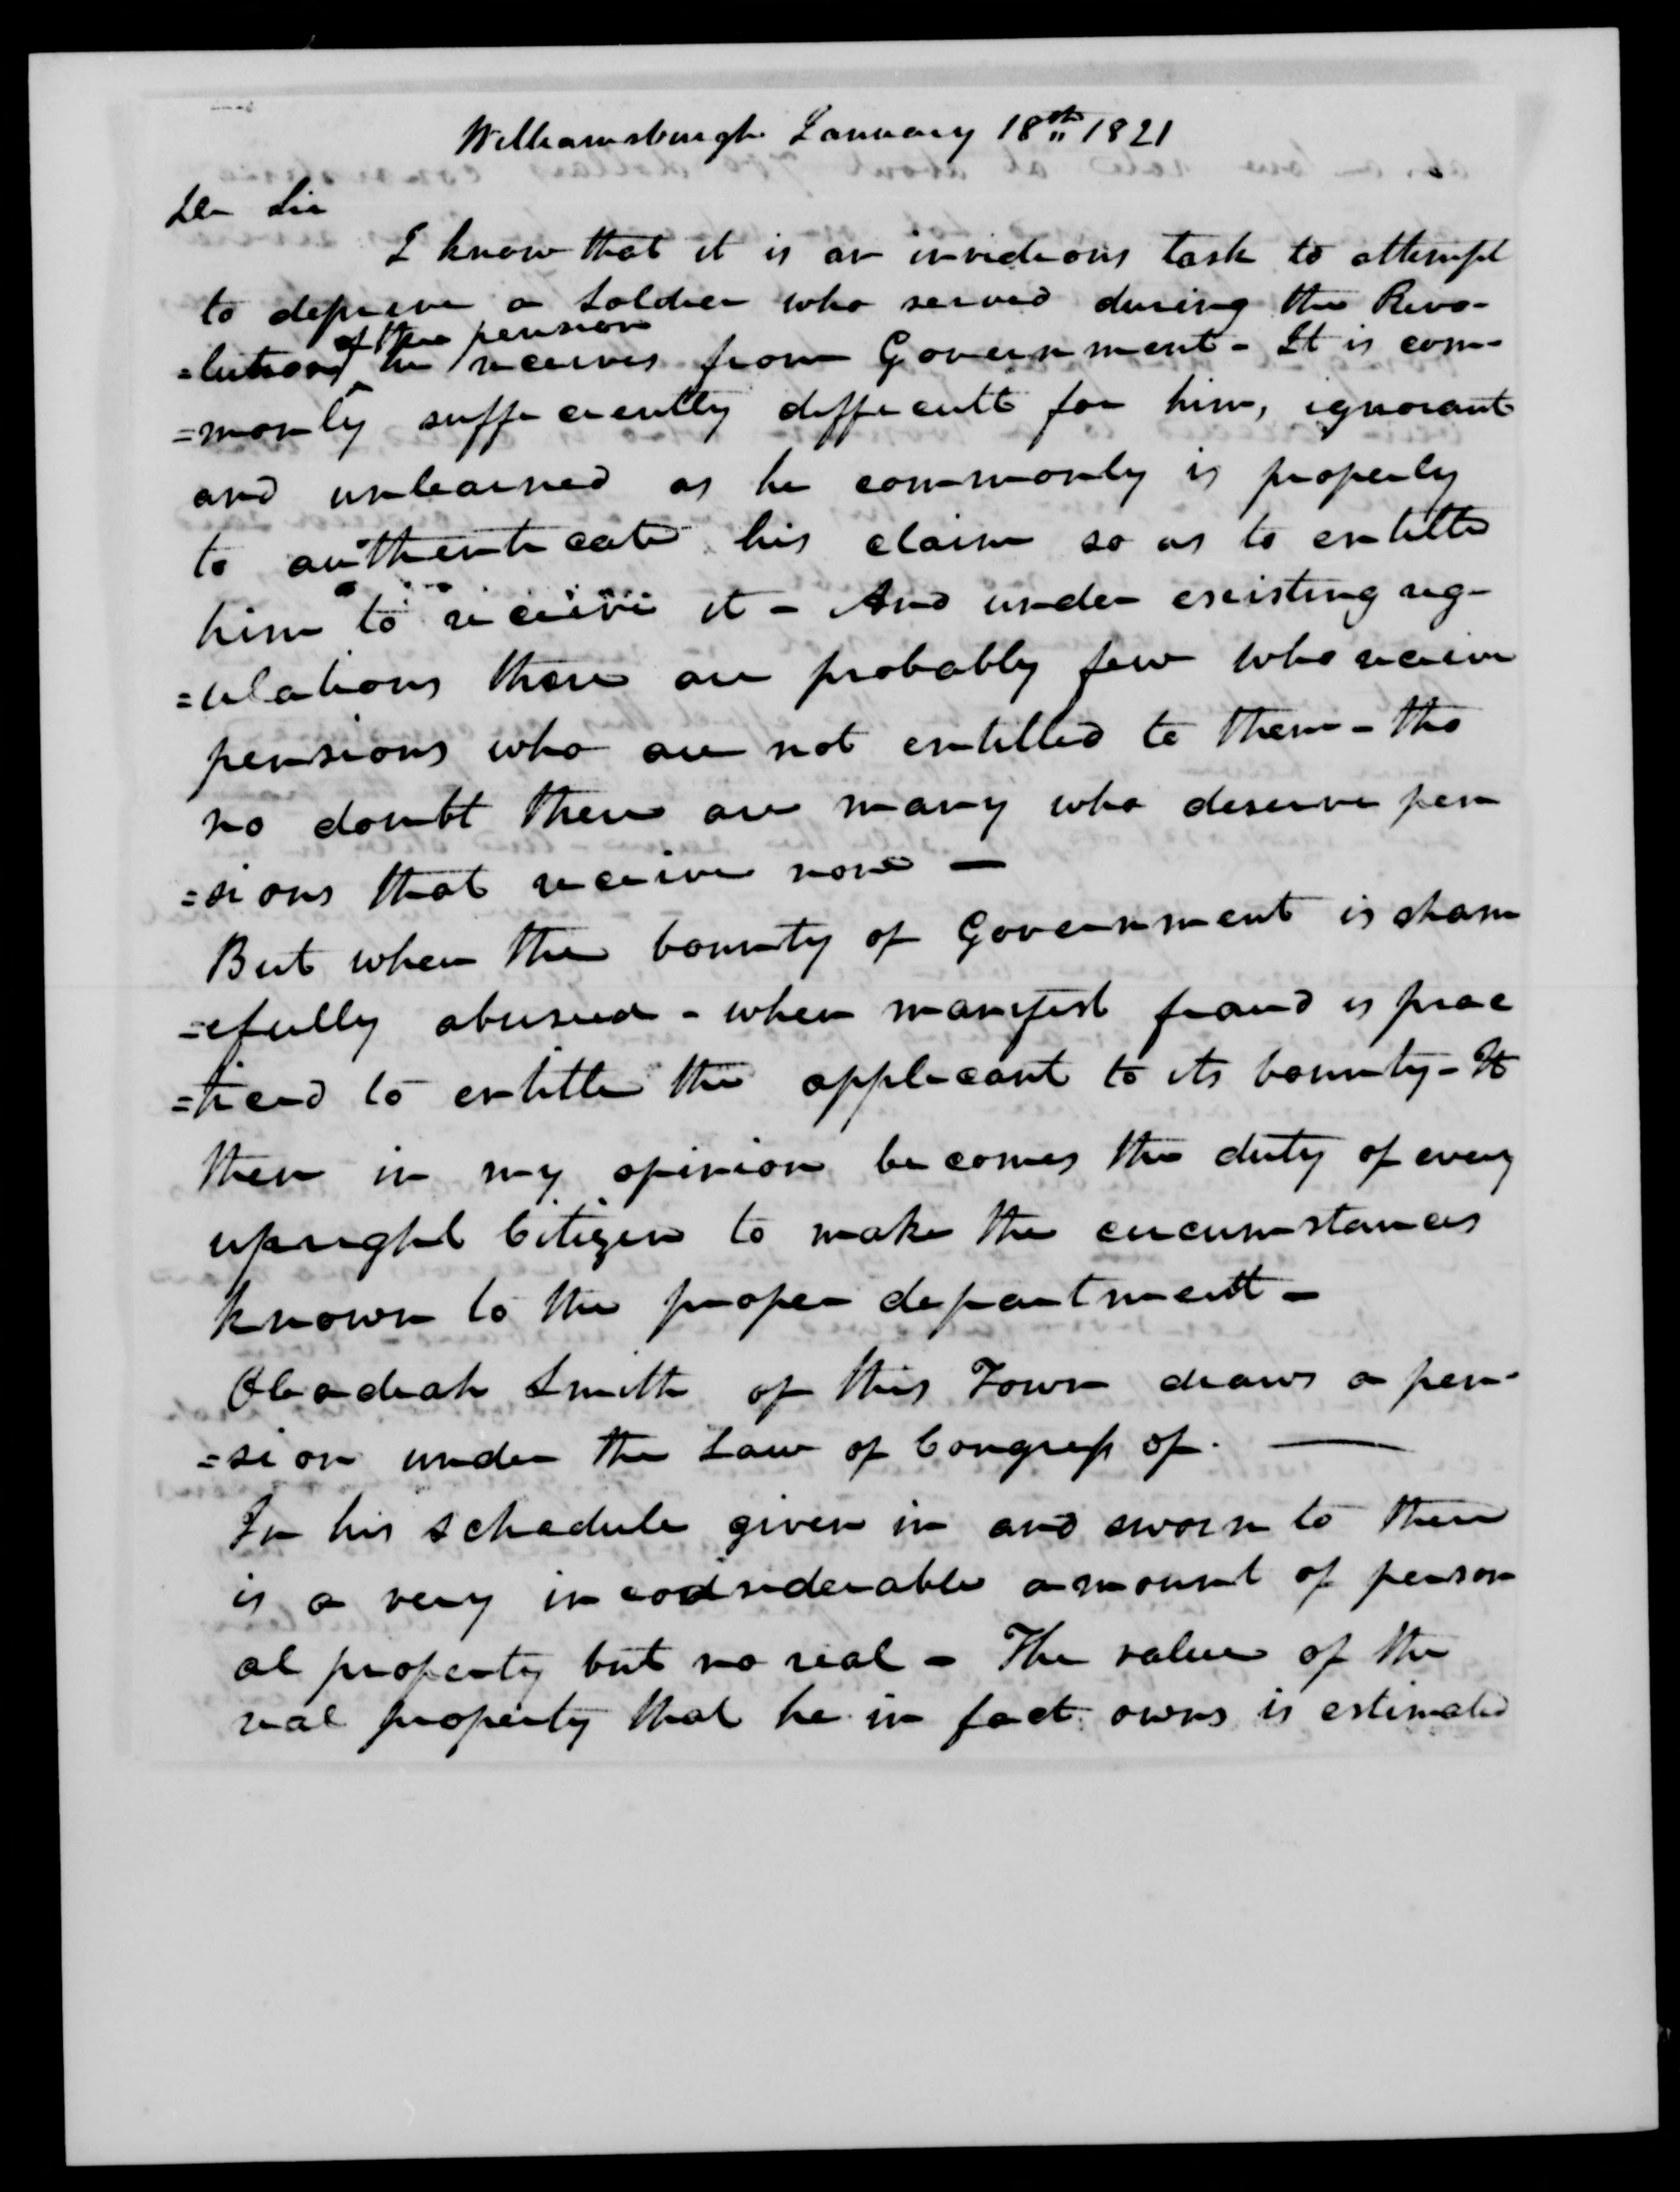Williamsburgh January 18th 1821 
Dr Sir I know that it is an insidious task to attempt to deprive a Soldier who served during the Revolution of the pension he receives from Government. It is commonly sufficiently difficult for him, ignorant and unlearned as he commonly is properly to authenticate his claim so as to entitle him to receive it. And under existing regulation s there are probably few who receive pensions who are not entitled to them - tho no doubt there are many who deserve pensions that receive none - But when the bounty of Government is shamefully observed - when manifest fraud is practiced to entitle the applicant to its bounty - It then in my opinion becomes the duty of every upright Citizen to make the circumstances known to the proper department- 
Obadiah Smith of this Town draws a pension under the Law of Congress of [blank] 
In his scheudle given in and sworn to there is a very inconsiderable amount of personal property but no real - The value of the real property that he in fact owns is estimated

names: Obadiah Smith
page: 28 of 66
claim: survivor's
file: S 40458, for Obadiah Smith, New York